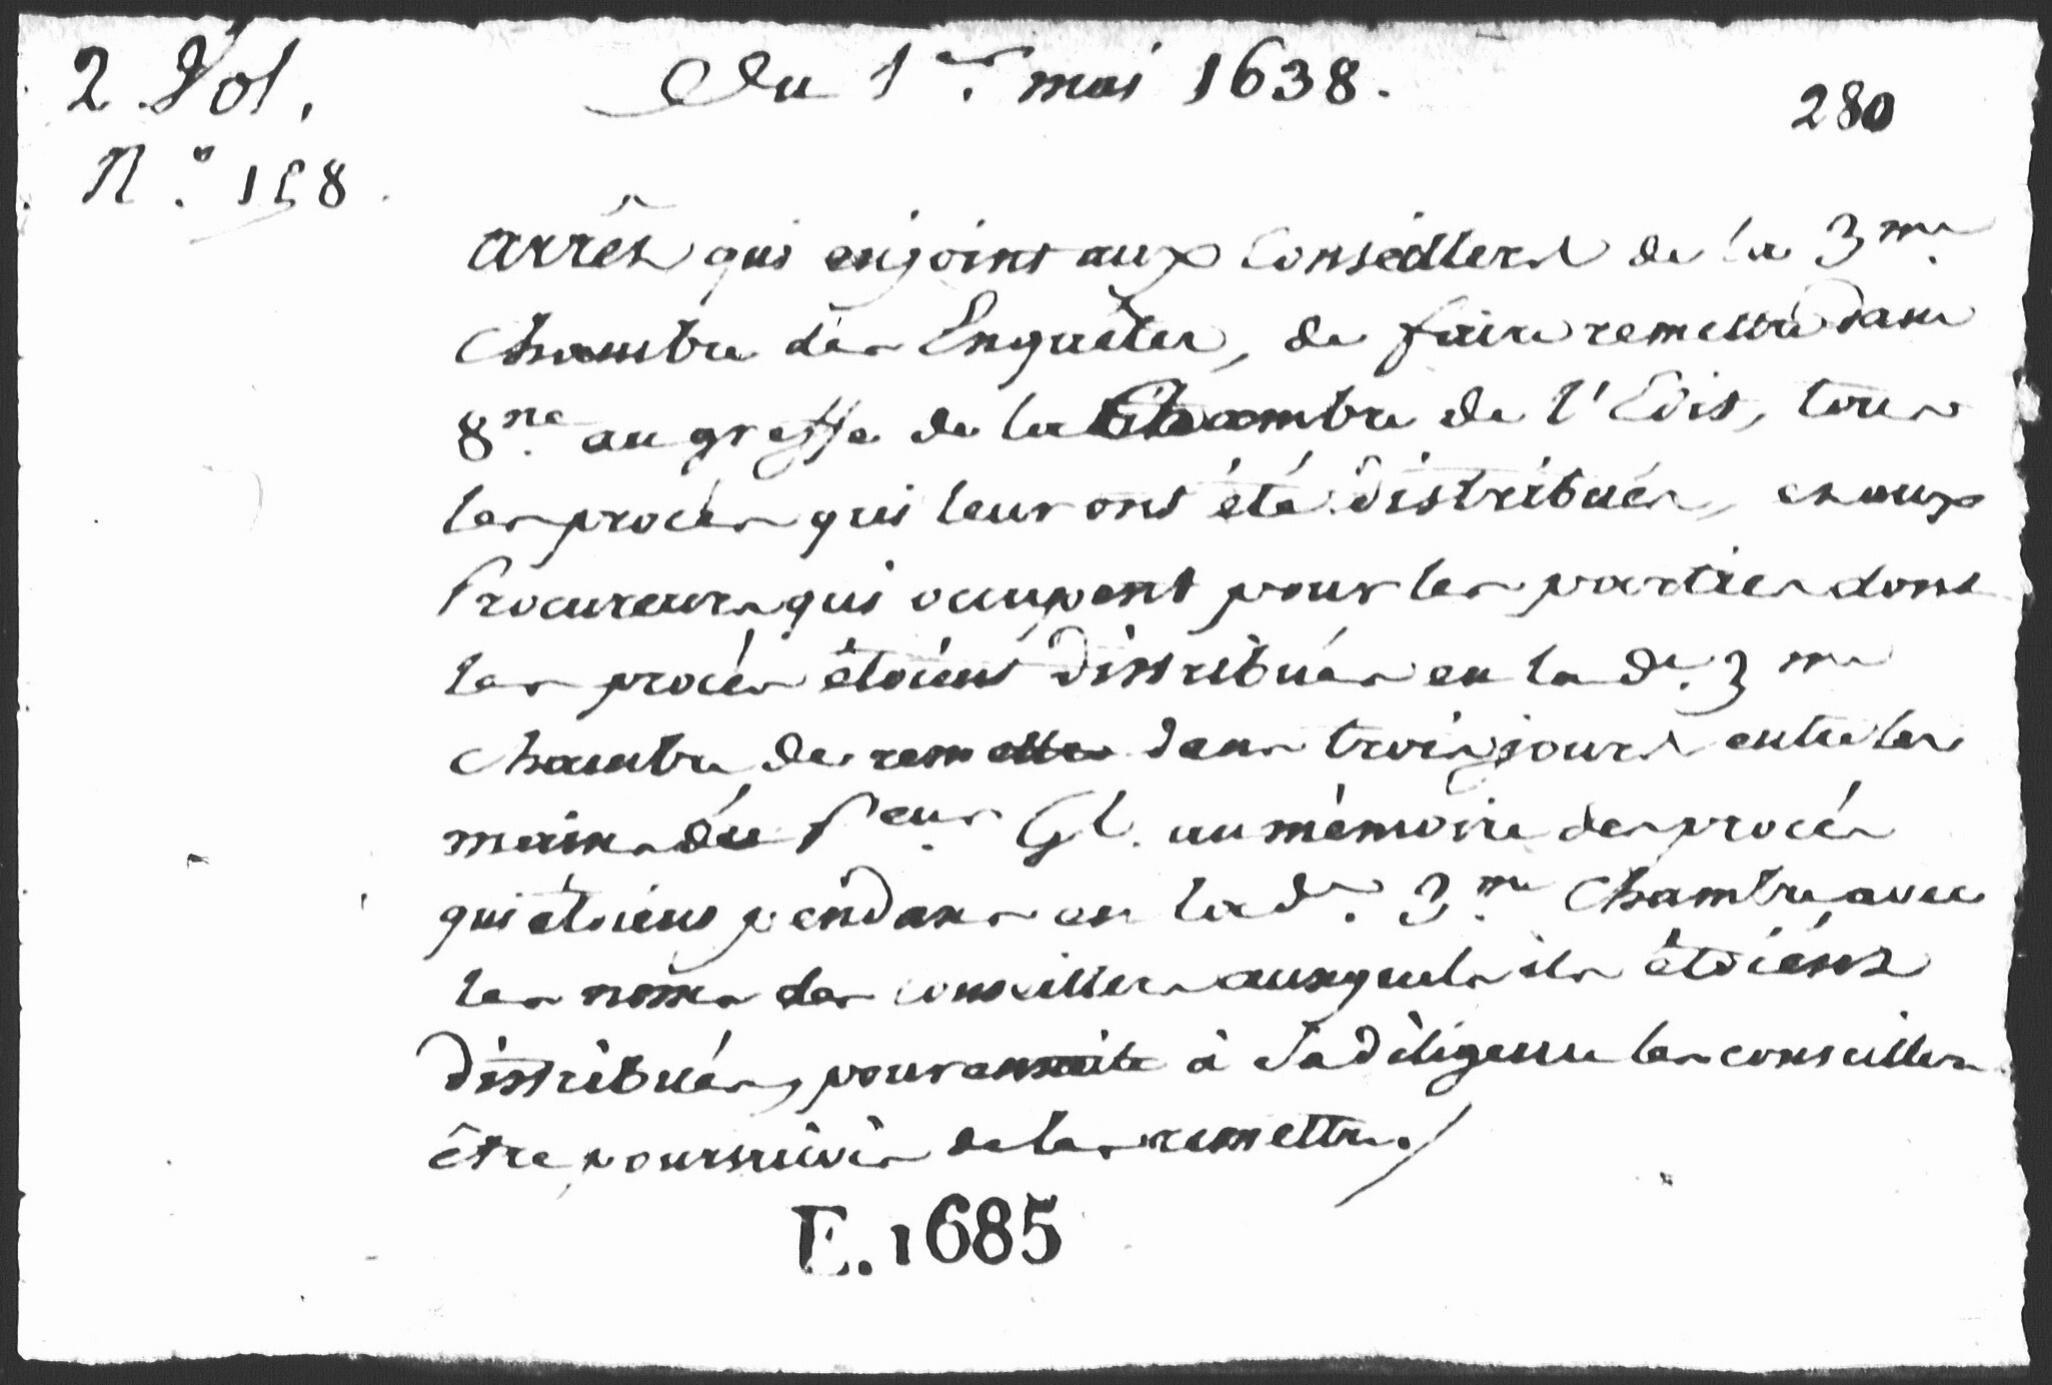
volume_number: n°158
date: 1 mai 1638
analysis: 280
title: Arrêt qui enjoint aux conseillers de la 3me Chambre des Enquêtes, de faire remettre dans 8.ne au greffe de la Chambre de l'Edit, tous les procès qui leur ont été distribués, et aux Procureurs qui occupent pour les parties dont les procès étaient distribués en lad.e 3me chambre, de remettre dans trois jours entre les mains du P.eur G.l un mémoire des procès qui étoient pendans en lad.e 3.me Chambre avec les noms des conseillers auxquels ils étoient distribués, pour ensuite à sa diligence les conseillers être poursuivis de les remettre.
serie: E
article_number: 1685
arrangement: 2 vol.
